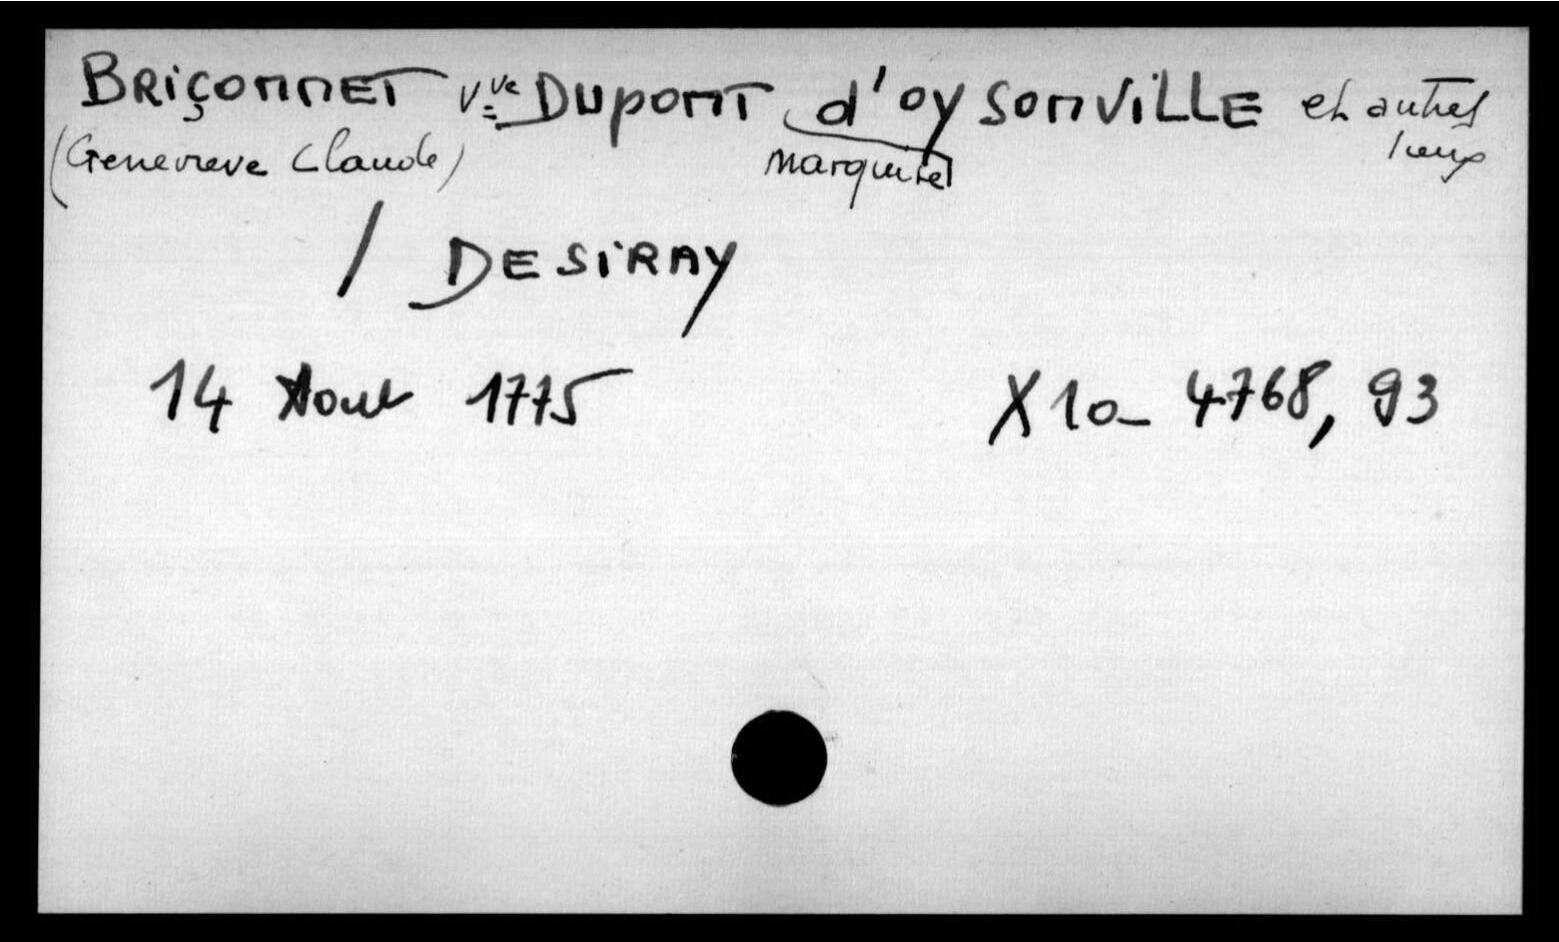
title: BRIÇONNET (Geneviève Claude) Veuve DUPONT marquis d'OYSONVILLE et autres lieux
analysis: Contre DESIRAY
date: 14 août 1775
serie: X1a
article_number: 4768
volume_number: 93
